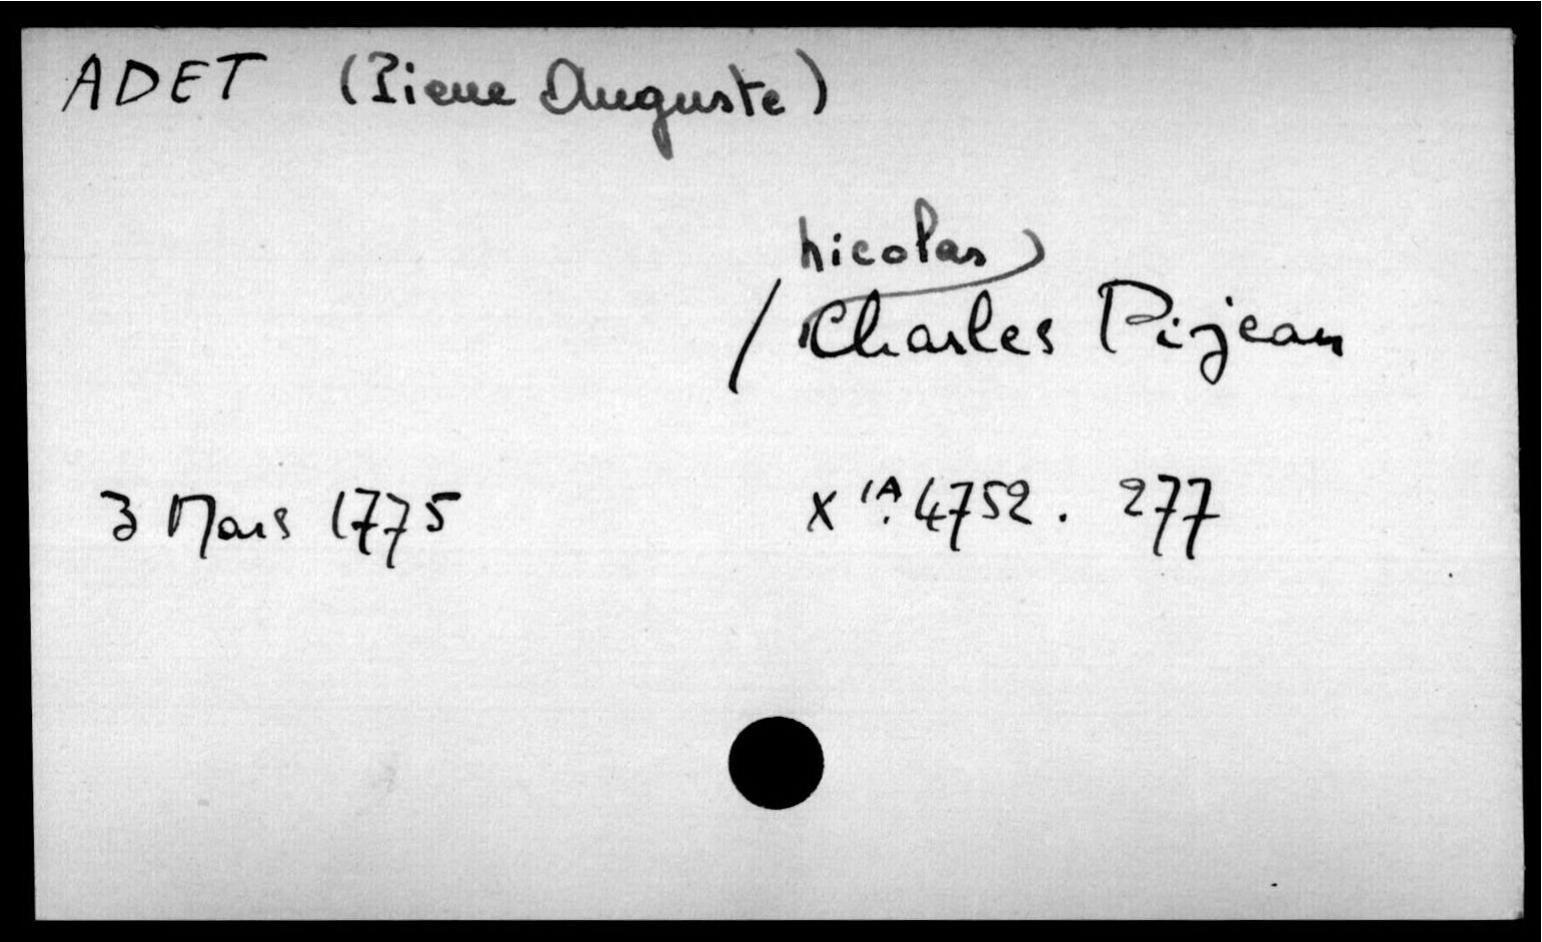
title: ADET (Pierre Auguste)
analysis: Contre Nicolas-Charles Pijean
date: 3 mars 1775
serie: X1A
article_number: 4752
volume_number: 277
